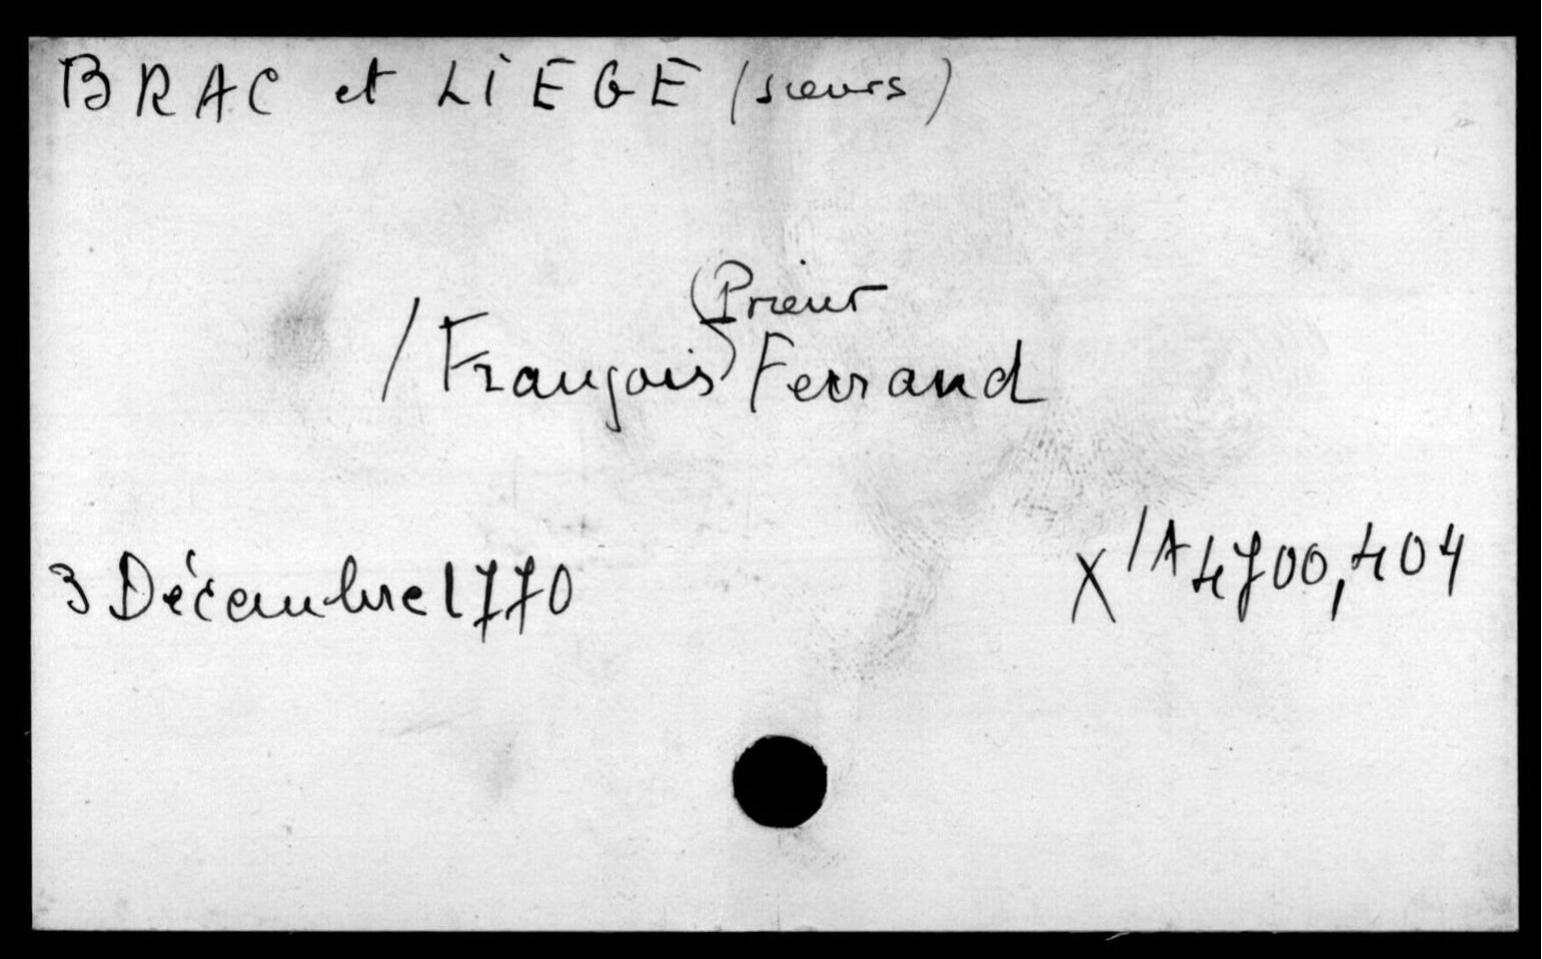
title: BRAC et LIEGE (Sieurs)
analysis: Contre François Prieur Ferrand
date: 3 décembre 1770
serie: X1A
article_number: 4700
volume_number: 404
